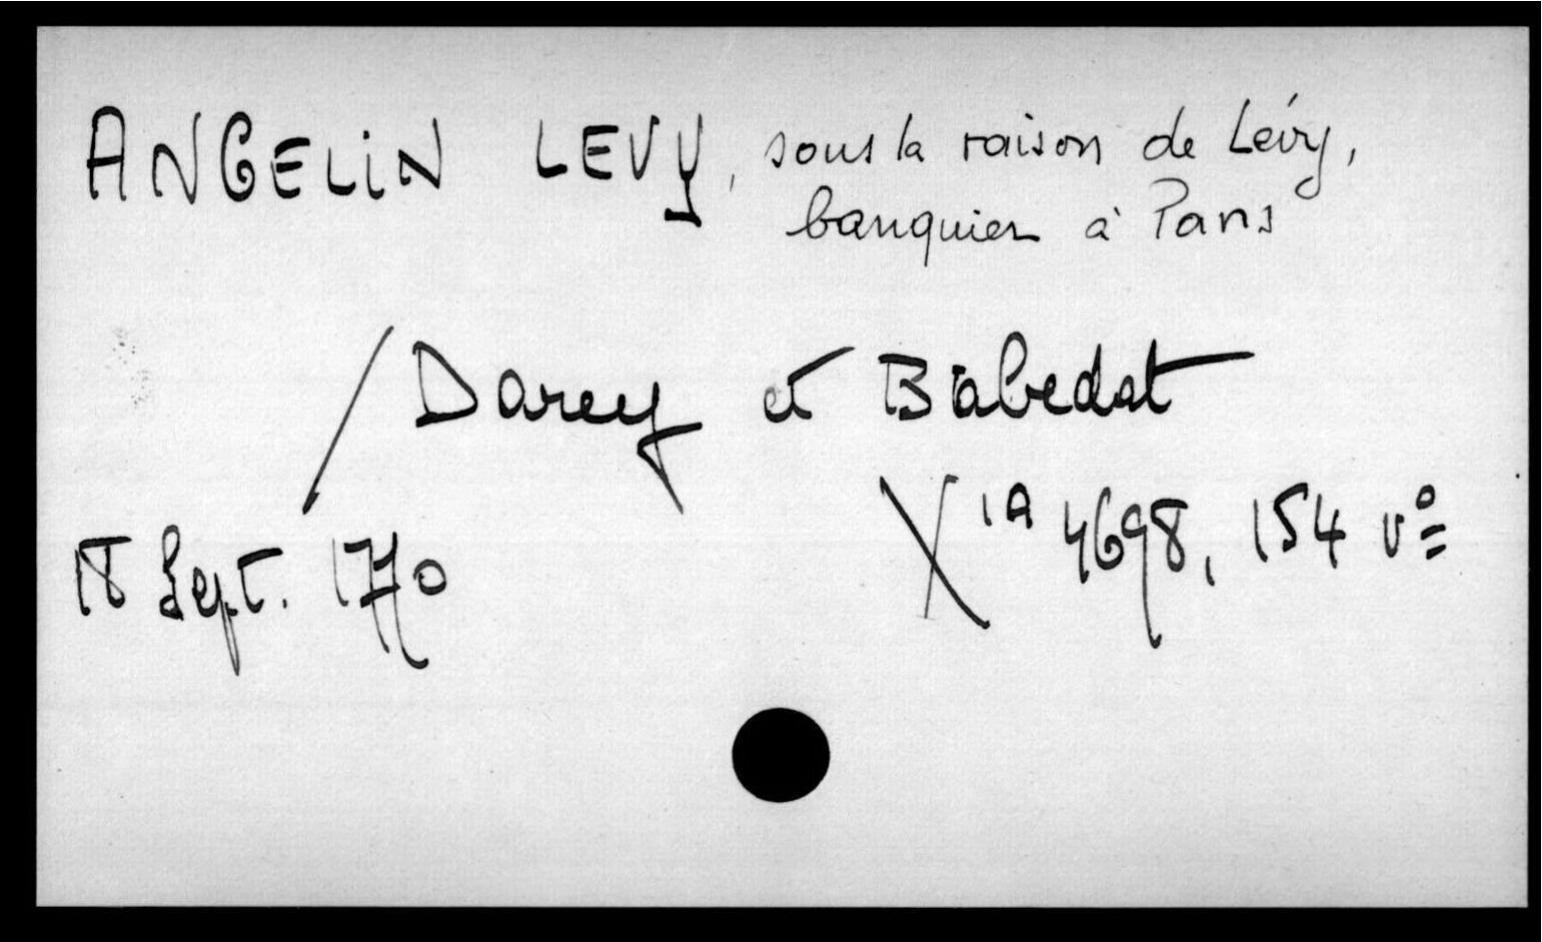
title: ANGELIN LEVY, sous la raison de Lévy, banquier à Paris
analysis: Contre Darey et Babedat
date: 18 septembre 1770
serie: X1A
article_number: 4698
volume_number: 154v
